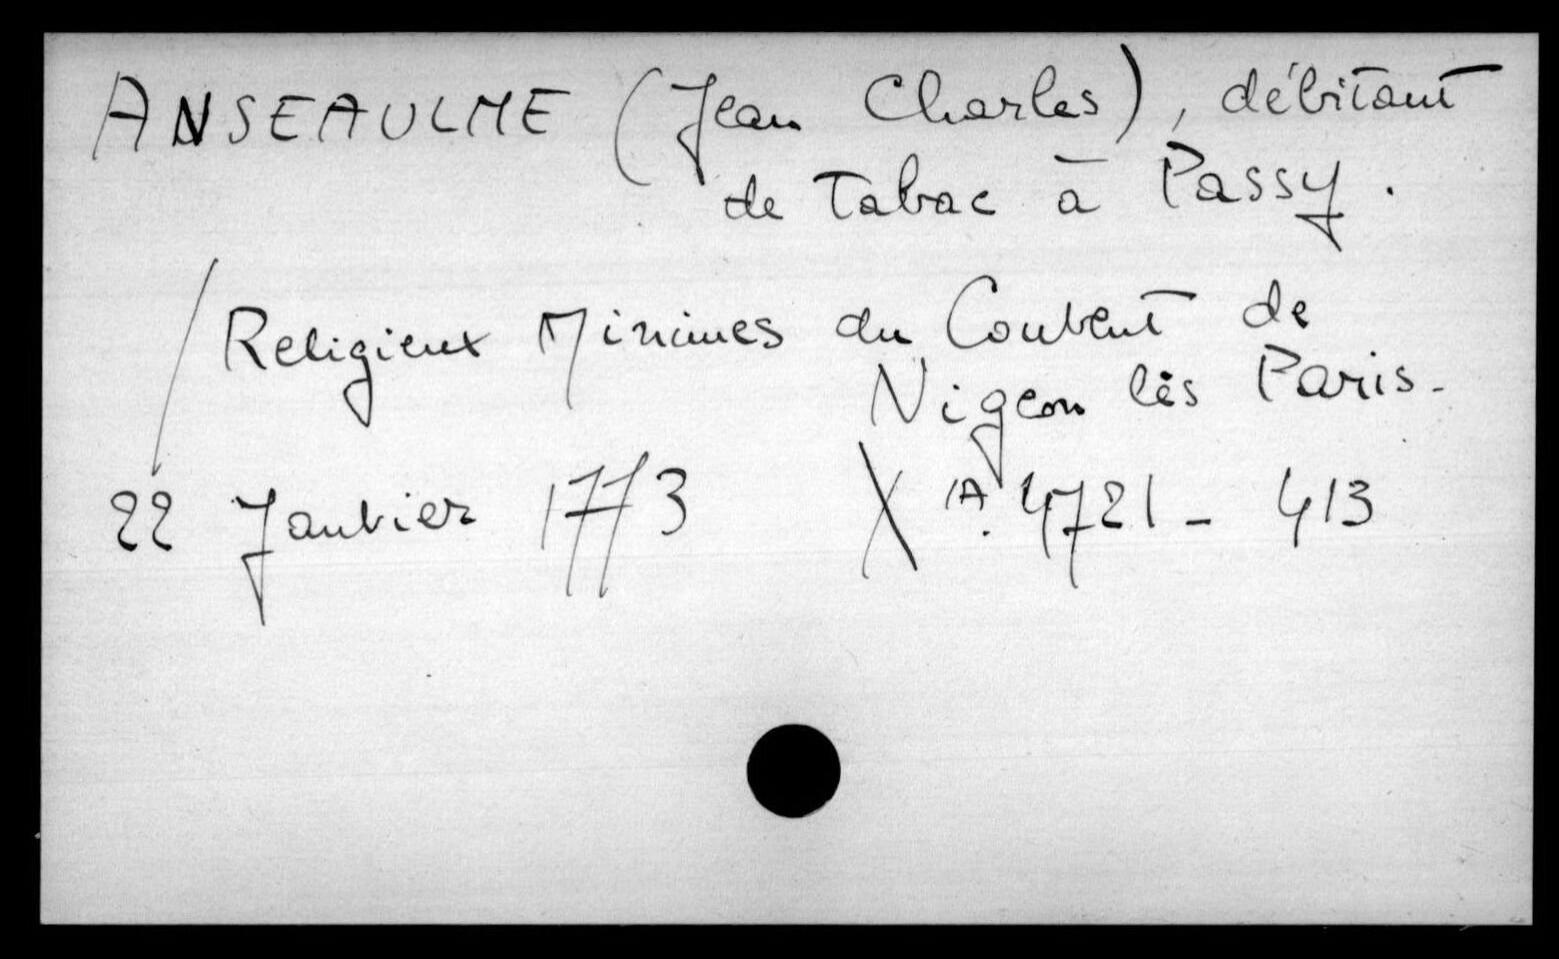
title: ANSEAULME (Jean Charles), débitant de Tabac à Passy
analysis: Contre Religieux Minines du Couvent de Nigeon lès Paris.
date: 22 janvier 1773
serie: X1A
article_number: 4721
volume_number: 413
